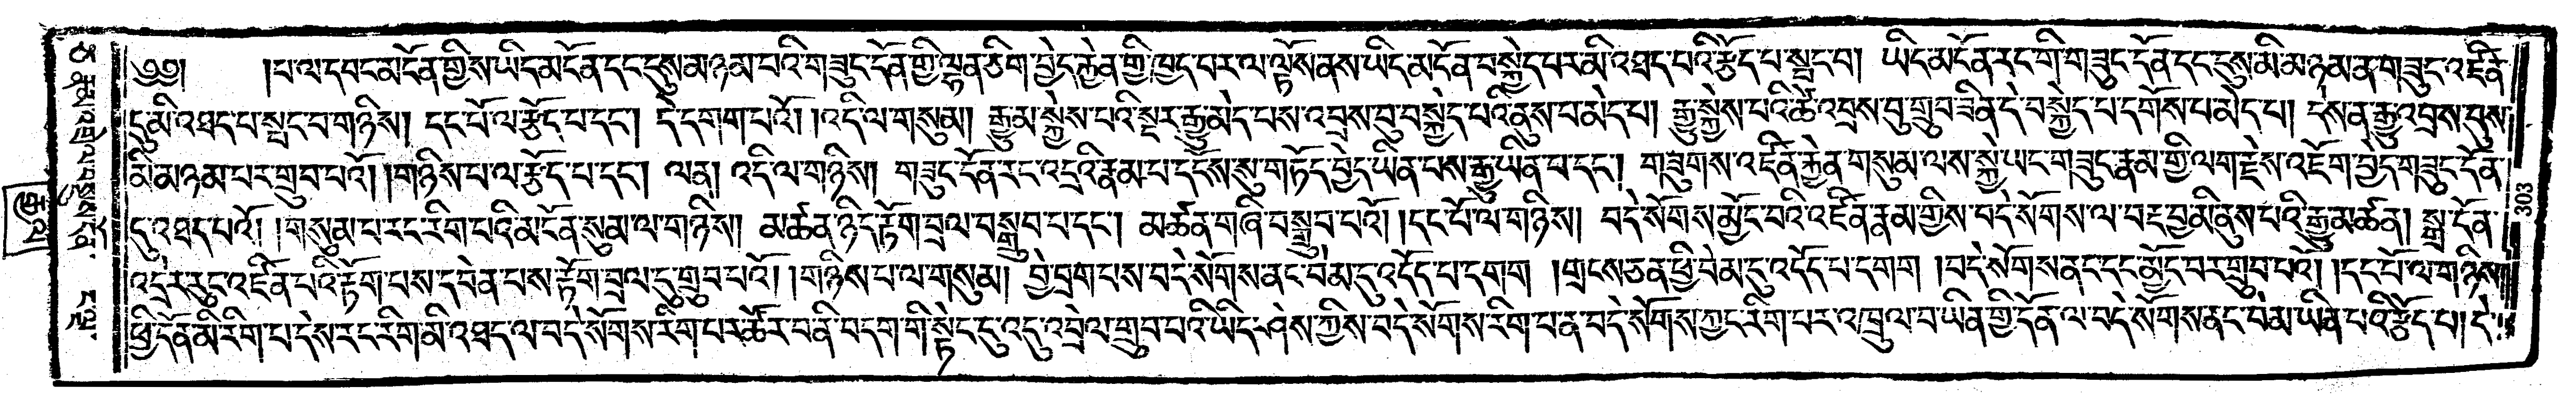༄༅། །པ་ལ་དབང་མངོན་གྱིས་ཡིད་མངོན་དང་དུས་མཉམ་པའི་གཟུང་དོན་གྱི་ལྷན་ཅིག་བྱེད་རྐྱེན་གྱི་ཁྱད་པར་ལ་ལྟོས་ནས་ཡིད་མངོན་བསྐྱེད་པར་མི་འཐད་པའི་རྩོད་པ་སྤང་བ། ཡིད་མངོན་རང་གི་གཟུང་དོན་དང་དུས་མི་མཉམ་ན་གཟུང་འཛིན་
དུ་མི་འཐད་པ་སྤང་བ་གཉིས། དང་པོ་ལ་རྩོད་པ་དང་། དེ་དགག་པའོ། །འདི་ལ་གསུམ། རྒྱུ་མ་སྐྱེས་པའི་སྔར་རྒྱུ་མེད་པས་འབྲས་བུ་བསྐྱེད་པའི་ནུས་པ་མེད་པ། རྒྱུ་སྐྱེས་པའི་ཚེ་འབྲས་བུ་གྲུབ་ཟིན་དེ་བསྐྱེད་པ་དགོས་པ་མེད་པ། དེས་ན་རྒྱུ་འབྲས་བུས་
མི་མཉམ་པར་གྲུབ་པའོ། །གཉིས་པ་ལ་རྩོད་པ་དང་། ལན། འདི་ལ་གཉིས། གཟུང་དོན་རང་འདྲའི་རྣམ་པ་དངོས་སུ་གཏོད་བྱེད་ཡིན་པས་རྒྱུ་ཡིན་པ་དང་། གཟུགས་འཛིན་རྐྱེན་གསུམ་ལས་སྐྱེ་ཡང་གཟུང་རྣམ་གྱི་ལག་རྗེས་འཇོག་བྱེད་གཟུང་དོན་
དུ་འཐད་པའོ། །གསུམ་པ་རང་རིག་པའི་མངོན་སུམ་ལ་གཉིས། མཚན་ཉིད་རྟོག་བྲལ་བསྒྲུབ་པ་དང་། མཚན་གཞི་བསྒྲུབ་པའོ། །དང་པོ་ལ་གཉིས། བདེ་སོགས་མྱོང་བའི་འཛིན་རྣམ་གྱིས་བདེ་སོགས་ལ་བརྡ་བྱ་མི་ནུས་པའི་རྒྱུ་མཚན། སྒྲ་དོན་
འདྲེར་རུང་འཛིན་པའི་རྟོག་པས་དབེན་པས་རྟོག་བྲལ་དུ་གྲུབ་པའོ། །གཉིས་པ་ལ་གསུམ། བྱེ་བྲག་པས་བདེ་སོགས་ནང་བེམ་དུ་འདོད་པ་དགག །གྲངས་ཅན་ཕྱི་བེམ་དུ་འདོད་པ་དགག །བདེ་སོགས་ནང་དང་མྱོང་བར་གྲུབ་པའོ། །དང་པོ་ལ་གཉིས།
ཕྱི་དོན་མི་རིག་པ་དེས་རང་རིག་མི་འཐད་ལ་བདེ་སོགས་རིག་པར་ཚོར་བ་ནི་བདག་གི་སྟེང་དུ་འདུ་འབྲེལ་གྲུབ་པའི་ཡིད་ཤེས་ཀྱིས་བདེ་སོགས་རིག་པ་ན་བདེ་སོགས་ཀྱང་རིག་པར་འཁྲུལ་བ་ཡིན་གྱི་དོན་ལ་བདེ་སོགས་ནང་བེམ་ཡིན་པའི་རྩོད་པ། དེ་